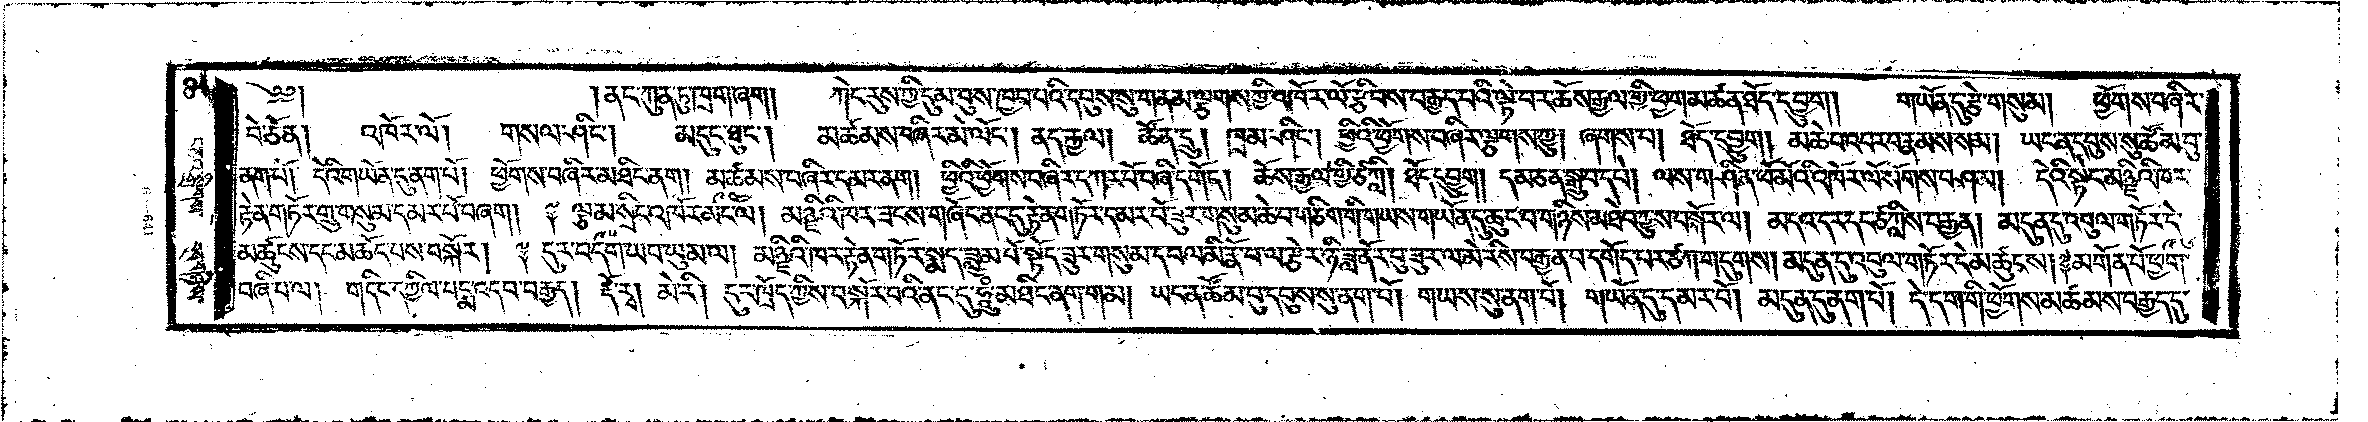༄༅། །ནང་ཀུན་ཏུ་ཁྲག་ཞག། ཀེང་རུས་ཀྱི་དུམ་བུས་ཁྱབ་པའི་དབུས་སུ་གནམ་ལྕགས་ཀྱི་འཁོར་ལོ་རྩིབས་བརྒྱད་པའི་ལྟེ་བར་ཆོས་རྒྱལ་གྱི་ཕྱག་མཚན་ཐོད་དབྱུག། གཡོན་དུ་རྩེ་གསུམ། ཕྱོགས་བཞིར་
བེ་ཅོན། འཁོར་ལོ། གསལ་ཤིང་། མདུང་ཐུང་། མཚམས་བཞིར་མེ་ལོང་། ནད་རྒྱལ། ཚོན་དྲུ། ཁྲམ་ཤིང་། ཕྱིའི་ཕྱོགས་བཞིར་ལྕགས་ཀྱུ། ཞགས་པ། ཐོད་དབྱུག། མཆེ་བ་འབར་བ་རྣམས་སམ། ཡང་ན་དབུས་སུ་ཚོམ་བུ་
ནག་པོ། དེའི་གཡོན་དུ་ནག་པོ། ཕྱོགས་བཞིར་མཐིང་ནག། མཚམས་བཞིར་དམར་ནག། ཕྱིའི་ཕྱོགས་བཞིར་དཀར་པོ་བཞི་དགོད། ཆོས་རྒྱལ་གྱི་རྩཀླི། ཐོད་དབྱུག། དམ་ཅན་སྒྲུབ་དཔེ། ལས་གཤིན་ཕོ་མོའི་འཁོར་ལོ་སོགས་བཤམ། དེའི་སྟེང་མཉྫིའི་ཁར་
རྟེན་གཏོར་གྲུ་གསུམ་དམར་པོ་བཞག། ༈ ལྕམ་སྲིང་འཁོར་མང་ལ། མཉྫིའི་ཁར་ཟངས་གཞོང་ནང་དུ་རྟེན་གཏོར་དམར་པོ་ཟུར་གསུམ་ཆེ་བ་གཅིག་གི་གཡས་གཡོན་དུ་ཆུང་བ་གཉིས་མཐེབ་ཀྱུས་བསྐོར་ལ། མདའ་དར་དང་ཙཀླིས་བརྒྱན། མདུན་དུ་འབུལ་གཏོར་དེ་
མཚུངས་དང་མཆོད་པས་བསྐོར། ༈ དུར་བདག་ཡབ་ཡུམ་ལ། མཉྫིའི་ཁར་རྟེན་གཏོར་སྨད་ཟླུམ་པོ་སྟོད་ཟུར་གསུམ་དཔལ་མི་རྣོ་བ་ལ་རྩེར་ཉི་ཟླ་ནོར་བུ་ཟུར་ལ་མེ་རིས་བརྒྱན་པ་དགོད་པར་ཙཀ་གདུགས། མདུན་དུ་འབུལ་གཏོར་དེ་མཚུངས། ༈ མགོན་པོ་ཕྱག་
བཞི་པ་ལ། གདིང་དཀྱིལ་པདམ་འདབ་བརྒྱད། རྡོ་རྭ། མེ་རི། དུར་ཁྲོད་ཀྱིས་བསྐོར་བའི་ནང་དུ་ཧཱུཾ་མཐིང་ནག་གམ། ཡང་ན་ཚོམ། བུ་དབུས་སུ་ནག་པོ། གཡས་སུ་ནག་པོ། གཡོན་དུ་དམར་པོ། མདུན་དུ་ནག་པོ། དེ་དག་གི་ཕྱོགས་མཚམས་བརྒྱད་དུ་